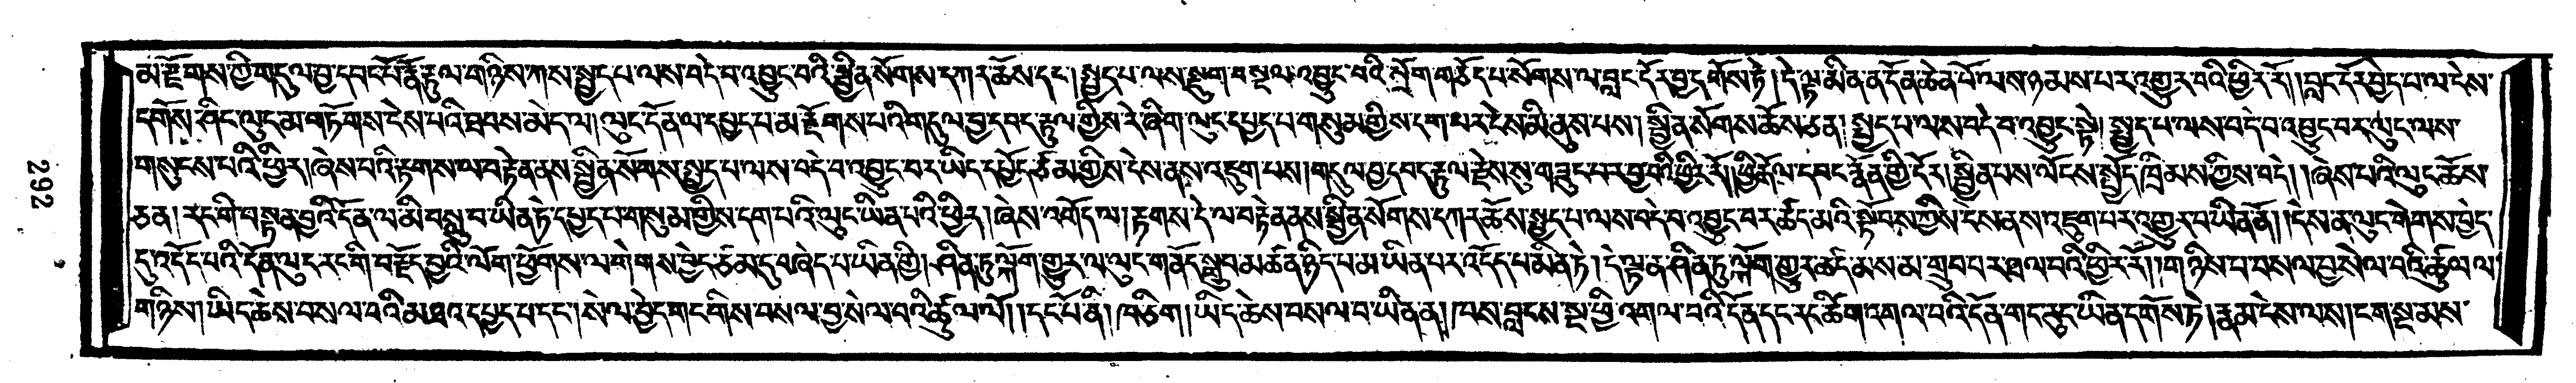མ་རྫོགས་ཀྱི་གདུལ་བྱ་དབང་པོ་རྣོ་རྟུལ་གཉིས་ཀས་སྤྱད་པ་ལས་བདེ་བ་འབྱུང་བའི་སྦྱིན་སོགས་དཀར་ཆོས་དང་། སྤྱད་པ་ལས་སྡུག་བསྔལ་འབྱུང་བའི་སྲོག་གཅོད་པ་སོགས་ལ་བླང་དོར་བྱ་དགོས་ཏེ། དེ་ལྟ་མིན་ན་དོན་ཆེན་པོ་ལས་ཉམས་པར་འགྱུར་བའི་ཕྱིར་རོ། །བླང་དོར་བྱེད་པ་ལ་ངེས་
དགོས་ཤིང་ལུང་མ་གཏོགས་ངེས་པའི་ཐབས་མེད་ལ། ལུང་དོན་ལ་དཔྱད་པ་མ་རྫོགས་པའི་གདུལ་བྱ་དབང་རྟུལ་གྱིས་རེ་ཞིག་ལུང་དཔྱད་པ་གསུམ་གྱིས་དག་པར་ངེས་མི་ནུས་པས། སྦྱིན་སོགས་ཆོས་ཅན། སྤྱད་པ་ལས་བདེ་བ་འབྱུང་སྟེ། སྤྱད་པ་ལས་བདེ་བ་འབྱུང་བར་ལུང་ལས་
གསུངས་པའི་ཕྱིར། ཞེས་པའི་རྟགས་ལ་བརྟེན་ནས་སྦྱིན་སོགས་སྤྱད་པ་ལས་བདེ་བ་འབྱུང་བར་ཡིད་དཔྱོད་ཙམ་གྱིས་ངེས་ནས་འཇུག་པས། གདུལ་བྱ་དབང་རྟུལ་རྗེས་སུ་གཟུང་བར་བྱ་བའི་ཕྱིར་རོ། །ཕྱི་རྒོལ་དབང་རྣོན་གྱི་ངོར། སྦྱིན་པས་ལོངས་སྤྱོད་ཁྲིམས་ཀྱིས་བདེ། །ཞེས་པའི་ལུང་ཆོས་
ཅན། རང་གི་བསྟན་བྱའི་དོན་ལ་མི་བསླུ་བ་ཡིན་ཏེ་དཔྱད་པ་གསུམ་གྱིས་དག་པའི་ལུང་ཡིན་པའི་ཕྱིར། ཞེས་འགོད་ལ། རྟགས་དེ་ལ་བརྟེན་ནས་སྦྱིན་སོགས་དཀར་ཆོས་སྤྱད་པ་ལས་བདེ་བ་འབྱུང་བར་ཚད་མའི་སྟོབས་ཀྱིས་ངེས་ནས་འཇུག་པར་འགྱུར་བ་ཡིན་ནོ། །དེས་ན་ལུང་གེགས་བྱེད་
དུ་འདོད་པའི་དོན་ལུང་རང་གི་བརྗོད་བྱའི་ལོག་ཕྱོགས་ལ་གེགས་བྱེད་ཙམ་དུ་བཞེད་པ་ཡིན་གྱི། ཤིན་ཏུ་ལྐོག་གྱུར་ལ་ལུང་གནོད་སྒྲུབ་མཚན་ཉིད་པ་མ་ཡིན་པར་འདོད་པ་མིན་ཏེ། དེ་ལྟ་ན་ཤིན་ཏུ་ལྐོག་གྱུར་ཚད་མས་མ་གྲུབ་པར་ཐལ་བའི་ཕྱིར་རོ། །གཉིས་པ་བསལ་བྱ་སེལ་བའི་ཚུལ་ལ་
གཉིས། ཡིད་ཆེས་བསལ་བའི་མཐའ་དཔྱད་པ་དང་། སེལ་བྱེད་གང་གིས་བསལ་བྱ་སེལ་བའི་ཚུལ་ལོ། །དང་པོ་ན། ཁ་ཅིག །ཡིད་ཆེས་བསལ་བ་ཡིན་ན། ཁས་བླངས་སྔ་ཕྱི་འགལ་བའི་དོན་དང་རང་ཚིག་འགལ་བའི་དོན་གང་རུང་ཡིན་དགོས་ཏེ། རྣམ་ངེས་ལས། ངག་སྔ་མས་